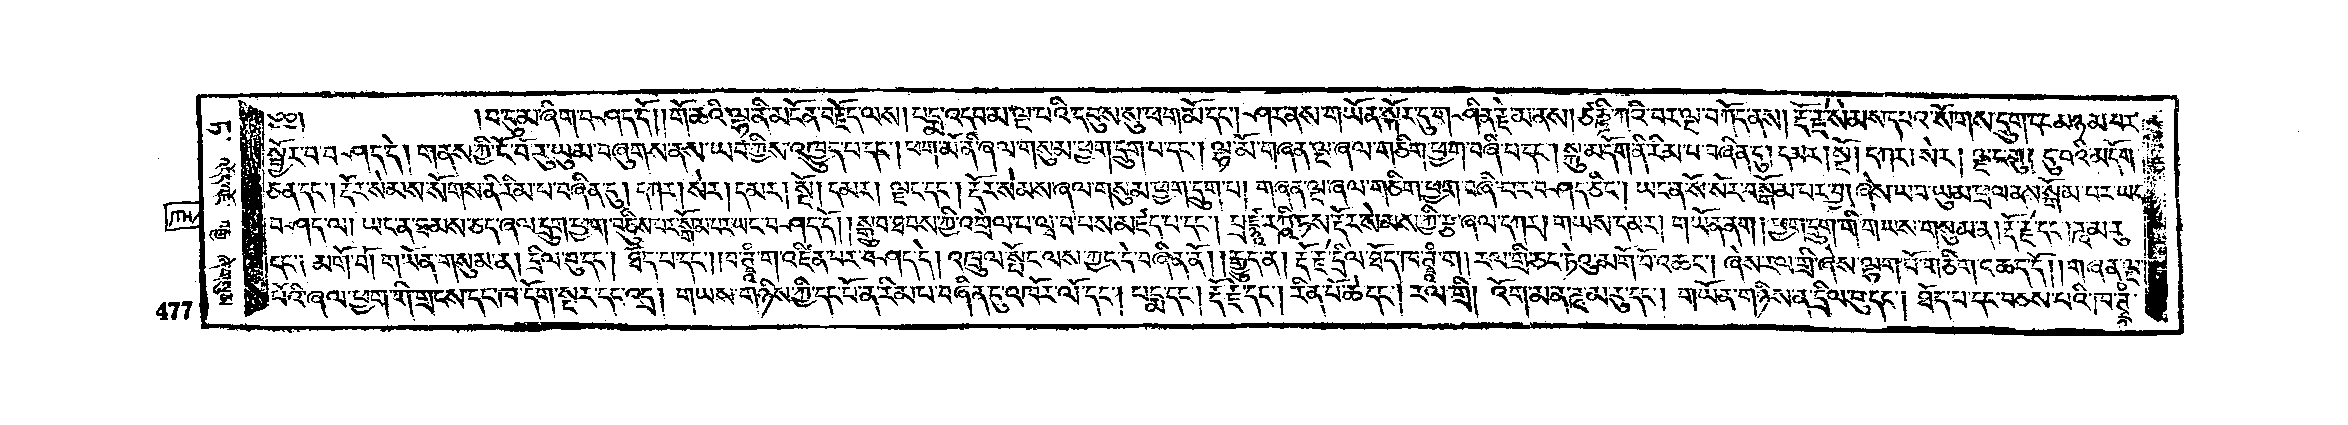༄༅། །བ་དུ་མ་ཞིག་བཤད་དེ། །གོ་ཆའི་ལྷ་ནི་མངོན་བརྗོད་ལས། པདམ་འདབ་མ་ལྔ་པའི་དབུས་སུ་ཕག་མོ་དང་། ཤར་ནས་གཡོན་སྐོར་དུ་གཤིན་རྗེ་མ་ནས། ཅཎྜི་ཀའི་བར་ལྔ་བཀོད་ནས། རྡོ་རྗེ་སེམས་དཔའ་སོགས་དྲུག་དང་མཉམ་པར་
སྦྱོར་བ་བཤད་དེ། གནས་ཀྱི་ངོ་བོ་རུ་ཡུམ་བཞུགས་ནས་ཡབ་ཀྱིས་འཁྱུད་པ་དང་། ཕག་མོ་ནི་ཞལ་གསུམ་ཕྱག་དྲུག་པ་དང་། ལྷ་མོ་གཞན་ལྔ་ཞལ་གཅིག་ཕྱག་བཞི་པ་དང་། སྐུ་མདོག་ནི་རིམ་པ་བཞིན་དུ། དམར། སྔོ། དཀར། སེར། ལྗང་གུ །དུ་བའི་མདོག་
ཅན་དང་། རྡོར་སེམས་སོགས་ནི་རིམ་པ་བཞིན་དུ། དཀར། སེར། དམར། སྔོ། དམར། ལྗང་དང་། རྡོར་སེམས་ཞལ་གསུམ་ཕྱག་དྲུག་པ། གཞན་ལྔ་ཞལ་གཅིག་ཕྱག་བཞི་པར་བཤད་ཅིང་། ཡང་ན་སོ་སོར་བསྒོམ་པར་བྱ། ཞེས་ཡབ་ཡུམ་ཕྲལ་ནས་སྒོམ་པར་ཡང་
བཤད་ལ། ཡང་ན་ཐམས་ཅད་ཞལ་དྲུག་ཕྱག་བཅུ་གཉིས་པར་སྒོམ་པར་ཡང་བཤད་དོ། །སྒྲུབ་ཐབས་ཀྱི་འགྲེལ་པ་ལྭ་བ་པས་མཛད་པ་དང་། པྲཛྙཱ་རཀྵི་ཏས་རྡོར་སེམས་ཀྱི་རྩ་ཞལ་དཀར། གཡས་དམར། གཡོན་ནག །ཕྱག་དྲུག་གི་གཡས་གསུམ་ན། རྡོ་རྗེ་དང་། ཌཱ་མ་རུ་
དང་། མགོ་བོ། གཡོན་གསུམ་ན། དྲིལ་བུ་དང་། ཐོད་པ་དང་། ཁ་ཊྭཱཾ་ག་འཛིན་པར་བཤད་དེ། འཁྲུལ་སྤོང་ལས་ཀྱང་དེ་བཞིན་ནོ། །རྒྱུད་ན། རྡོ་རྗེ་དྲིལ་ཐོད་ཁ་ཊྭཱཾ་ག །རལ་གྲི་ཆང་ཏེའུ་མགོ་བོ་འཆང་། ཞེས་རལ་གྲི་ཞེས་ལྷག་པོ་གཅིག་འཆད་དོ། །གཞན་ལྔ་
པོའི་ཞལ་ཕྱག་གི་གྲངས་དང་ཁ་དོག་སྔར་དང་འདྲ། གཡས་གཉིས་ཀྱི་དང་པོ་ན་རིམ་པ་བཞིན་དུ་འཁོར་ལོ་དང་། པདམ་དང་། རྡོ་རྗེ་དང་། རིན་པོ་ཆེ་དང་། རལ་གྲི། འོག་མ་ན་ཌཱ་མ་རུ་དང་། གཡོན་གཉིས་ན་དྲིལ་བུ་དང་། ཐོད་པ་དང་བཅས་པའི་ཁ་ཊྭཱཾ་